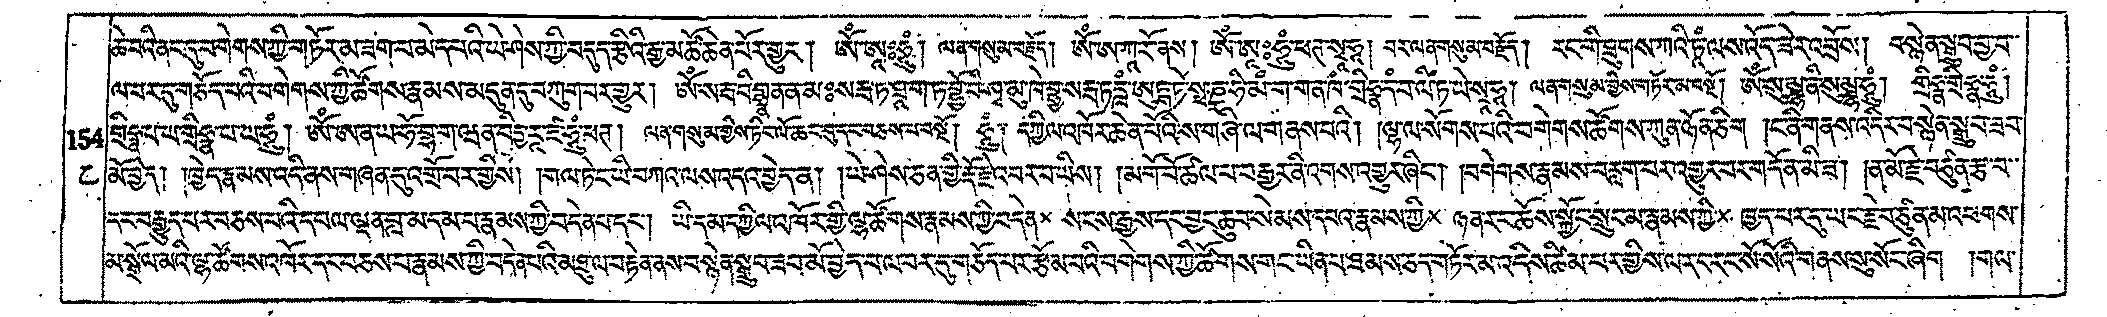ཆེ་བའི་ནང་དུ་བགེགས་ཀྱི་གཏོར་མ་ཟག་པ་མེད་པའི་ཡེ་ཤེས་ཀྱི་བདུད་རྩིའི་རྒྱ་མཚོ་ཆེན་པོར་གྱུར། ཨོཾ་ཨཱཿ ཧཱུཾ། ལ་གསུམ་བརྗོད། ཨོཾ་ཨ་ཀཱ་རོ་ནས། ཨོཾ་ཨཱཿཧཱུཾ་ཕཊ་སྭཱ་ཧཱ། བར་ལན་གསུམ་བརྗོད། རང་གི་ཐུགས་ཀཱི་གཱཾ་ལས་འོད་ཟེར་འབྲོས། བསྙེན་སྒྲུབ་བྱ་བ་
ལ་བར་དུ་གཅོད་པའི་བགེགས་ཀྱི་ཚོགས་རྣམས་མདུན་དུ་བཀུག་པར་གྱུར། ཨོཾ་སརྦ་བིགྷནྣ་ན་མཿ སརྦ་ཏ་ཐཱ་ག་ཏ་བྷྱོ་བི་ཤྭ་མུ་ཁེ་བྷ་སརྦ་ཏདྷཾ་ཨུཏྒ་ཏེ་སྥ་ཎར་ཧི་མཾ་ག་ག་ན་ཁཾ་གྲིཧན་དཾ་བ་ལིཾ་ཏ་ཡེ་སྭ་ཧཱ། ལན་གསུམ་གྱིས་གཏོར་མ་བསྔོ། ཨོཾ་སུམདྷ་ནི་སུམདྷ་ཧཱུཾ། གྲིཧན་གྲི་ཧན་ཧཱུཾ།
གྲིཧན་པ་ཡ་གྲིཧན་པ་ཡ་ཧཱུཾ། ཨོཾ་ཡ་ན་ཡ་ཧོ་བྷ་ག་ཝན་བིདྱ་རཱ་ཛ་ཧཱུཾ་ཕཊ། ལན་གསུམ་གྱིས་ཏིང་ལོ་ཆང་བུ་དང་བཅས་པ་བསྣོག། ཧཱུཾ༑ དཀྱིལ་འཁོར་ཆེན་པོའི་ས་གཞི་ལ་གནས་པའི། །ལྷ་ལ་སོགས་པའི་བགེགས་ཚོགས་ཀུན་ཚོགས་ཀུན་ཉོན་ཅིག །ང་ནི་གནས་འདིར་བསྙེན་སྒྲུབ་ཟབ་
མོ་བྱེད། །ཁྱེད་རྣམས་འདི་ནས་གཞན་དུ་འགྲོ་བར་གྱིས། །གལ་ཏེ་ང་ཡི་བཀའ་ལས་འདའ་བྱེད་ན། །ཡེ་ཤེས་ཅན་གྱི་རྡོ་རྗེ་འབར་བ་ཡིས། །མགོ་བོ་ཚལ་བ་བརྒྱར་ནི་འགས་འགྱུར་ཞིང་། །བགེགས་རྣམས་བརླག་པར་འགྱུར་བར་གདོན་མི་ཟ། །ན་མོ་རྗེ་བཙུན་ཙ་བ་
དང་བརྒྱུད་པར་བཅས་པའི་དཔལ་ལྡན་བླ་མ་དམ་པ་རྣམས་ཀྱི་བདེན་པ་དང་། ཡི་དམ་དཀྱིལ་འཁོར་གྱི་ལྷ་ཚོགས་རྣམས་ཀྱི་བདེན་྾་སངས་རྒྱས་དང་བྱང་ཆུབ་སེམས་དཔའ་རྣམས་ཀྱི་྾་ཉན་རང་ཆོས་སྐྱོང་སྲུང་མ་རྣམས་ཀྱི་྾་ཁྱད་པར་དུ་ཡང་རྗེ་བཙུན་མ་འཕགས་
མ་སྒྲོལ་མའི་ལྷ་ཚོགས་འཁོར་དང་བཅས་པ་རྣམས་ཀྱི་བདེན་པའི་མཐུ་ལ་བརྟེན་ནས་བསྙེན་སྒྲུབ་ཟབ་མོ་བྱེད་པ་ལ་བར་དུ་གཅོད་པར་རྩོམ་པའི་བགེགས་ཀྱི་ཚོགས་གང་ཡིན་པ་ཐམས་ཅད་གཏོར་མ་འདིས་ཚིམ་པར་གྱིས་ལ་རང་རང་སོ་སོའི་གནས་སུ་སོང་ཞིག །གལ་